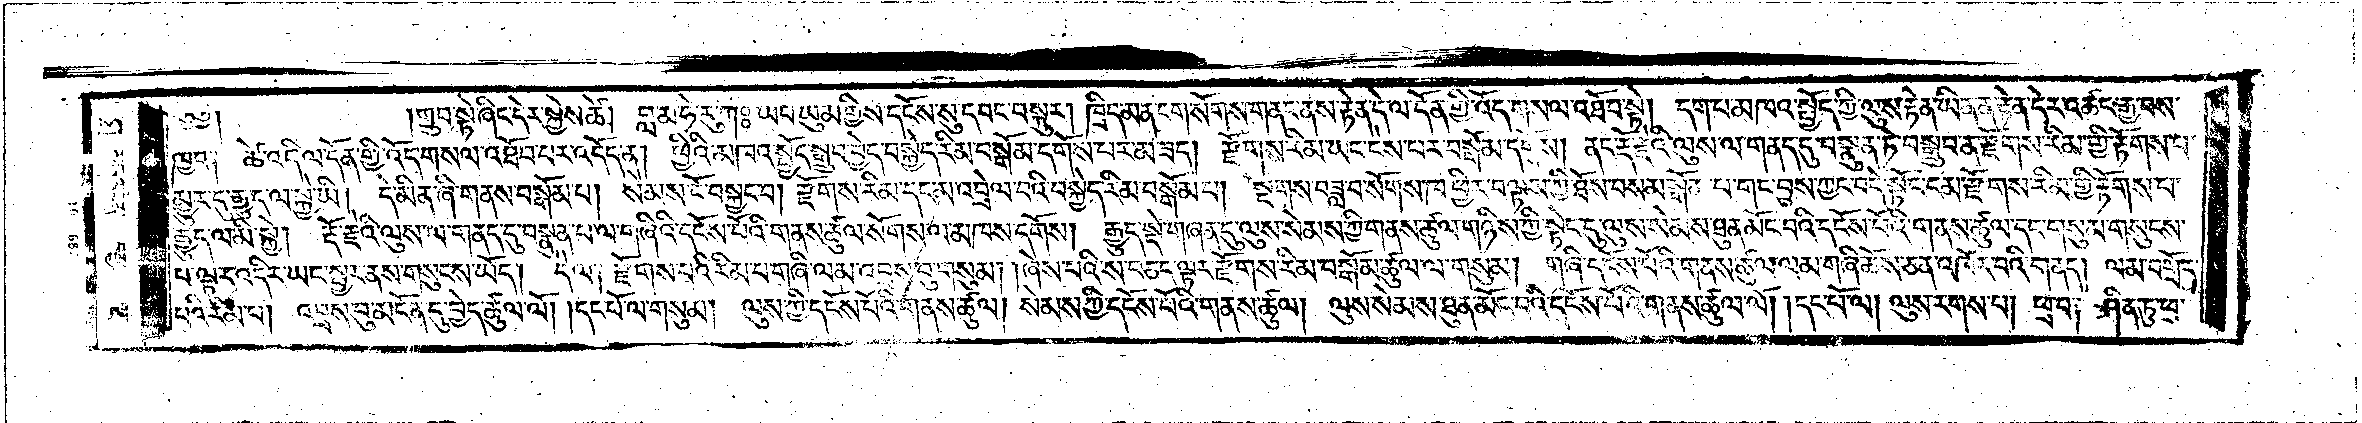༄༅། །གྲུབ་སྟེ་ཞིང་དེར་སྐྱེས་ཚེ། བླ་མ་ཧེ་རུ་ཀཿ ཡབ་ཡུམ་གྱིས་དངོས་སུ་དབང་བསྐུར། ཁྲིད་མན་ངག་སོགས་གནང་ནས་རྟེན་དེ་ལ་དོན་གྱི་འོད་གསལ་འཐོབ་སྟེ། དག་པ་མཁའ་སྤྱོད་ཀྱི་ལུས་རྟེན་ཡིན་ན་རྟེན་དེར་འཚང་རྒྱ་བས་
ཁྱབ༑ ཚེ་འདི་ལ་དོན་གྱི་འོད་གསལ་འཐོབ་པར་འདོད་ན། ཕྱིའི་མཁའ་སྤྱོད་སྒྲུབ་བྱེད་བསྐྱེད་རིམ་བསྒོམ་དགོས་པར་མ་ཟད། རྫོགས་རིམ་ཡང་ངེས་པར་བསྒོམ་དགོས། ནང་རྡོ་རྗེའི་ལུས་ལ་གནད་དུ་བསྣུན་ཏེ་བསྒྲུབ་ན་རྫོགས་རིམ་གྱི་རྟོགས་པ་
མྱུར་དུ་རྒྱུད་ལ་སྐྱེ་ཡི། དེ་མིན་ཞི་གནས་བསྒོམ་པ། སེམས་ངོ་བསྐྱང་པ། རྫོགས་རིམ་དང་མ་འབྲེལ་བའི་བསྐྱེད་རིམ་བསྒོམ་པ། སྔགས་བཟླ་བ་སོགས་ཁ་ཕྱིར་བལྟས་ཀྱི་ཐོས་བསམ་སྒོམ་པ་གང་བྱས་ཀྱང་བདེ་སྟོང་ངམ་རྫོགས་རིམ་གྱི་རྟོགས་པ་
རྒྱུད་ལ་མི་སྐྱེ། རྡོ་རྗེའི་ལུས་ལ་གནད་དུ་བསྣུན་པ་ལ་གཞིའི་དངོས་པོའི་གནས་ཚུལ་སོགས་ལ་མཁས་དགོས། རྒྱུད་སྡེ་གཞན་དུ་ལུས་སེམས་ཀྱི་གནས་ཚུལ་གཉིས་ཀྱི་སྟེང་དུ་ལུས་སེམས་ཐུན་མོང་བའི་དངོས་པོའི་གནས་ཚུལ་དང་གསུམ་གསུངས་
བ་ལྟར་འདིར་ཡང་སྦྱར་ནས་གསུངས་ཡོད། དེ་ལ༑ རྫོགས་པའི་རིམ་པ་གཞི་ལམ་འབྲས་བུ་གསུམ། །ཞེས་པའི་ས་བཅད་ལྟར་རྫོགས་རིམ་བསྒོམ་ཚུལ་ལ་གསུམ། གཞི་དངོས་པོའི་གནས་ཚུལ་ལམ་གཞི་ཆོས་ཅན་འཁོར་བའི་གནད། ལམ་བགྲོང་
བའི་རིམ་པ། འབྲས་བུ་མངོན་དུ་བྱེད་ཚུལ་ལོ། །དང་པོ་ལ་གསུམ། ལུས་ཀྱི་དངོས་པོའི་གནས་ཚུལ། སེམས་ཀྱི་དངོས་པོའི་གནས་ཚུལ། ལུས་སེམས་ཐུན་མོང་བའི་དངོས་པོའི་གནས་ཚུལ་ལོ། །དང་པོ་ལ། ལུས་རགས་པ། ཕྲ་བ༑ ཤིན་ཏུ་ཕྲ་